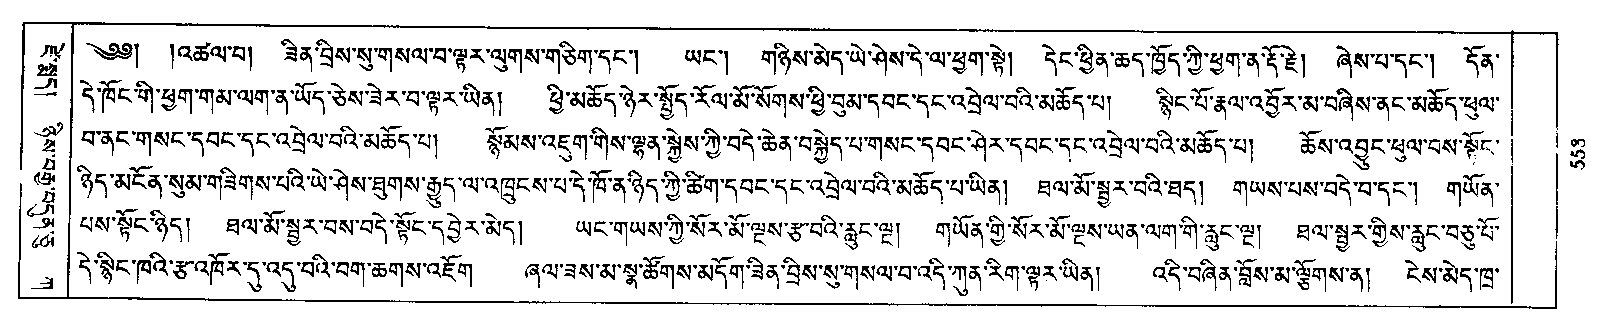༄༅། །འཚལ་བ། ཟིན་བྲིས་སུ་གསལ་བ་ལྟར་ལུགས་གཅིག་དང་། ཡང་། གཉིས་མེད་ཡེ་ཤེས་དེ་ལ་ཕྱག་སྟེ། དེང་ཕྱིན་ཆད་ཁྱོད་ཀྱི་ཕྱག་ན་རྡོ་རྗེ། ཞེས་པ་དང་། དོན་
དེ་ཁོང་གི་ཕྱག་གམ་ལག་ན་ཡོད་ཅེས་ཟེར་བ་ལྟར་ཡིན། ཕྱི་མཆོད་ཉེར་སྤྱོད་རོལ་མོ་སོགས་ཕྱི་བུམ་དབང་དང་འབྲེལ་བའི་མཆོད་པ། སྙིང་པོ་རྣལ་འབྱོར་མ་བཞིས་ནང་མཆོད་ཕུལ་
བ་ནང་གསང་དབང་དང་འབྲེལ་བའི་མཆོད་པ། སྙོམས་འཇུག་གིས་ལྷན་སྐྱེས་ཀྱི་བདེ་ཆེན་བསྐྱེད་པ་གསང་དབང་ཤེར་དབང་དང་འབྲེལ་བའི་མཆོད་པ། ཆོས་འབྱུང་ཕུལ་བས་སྟོང་
ཉིད་མངོན་སུམ་གཟིགས་པའི་ཡེ་ཤེས་ཐུགས་རྒྱུད་ལ་འཁྲུངས་པ་དེ་ཁོ་ན་ཉིད་ཀྱི་ཚིག་དབང་དང་འབྲེལ་བའི་མཆོད་པ་ཡིན། ཐལ་མོ་སྦྱར་བའི་ཐད། གཡས་པས་བདེ་བ་དང་། གཡོན་
པས་སྟོང་ཉིད། ཐལ་མོ་སྦྱར་བས་བདེ་སྟོང་དབྱེར་མེད། ཡང་གཡས་ཀྱི་སོར་མོ་ལྔས་རྩ་བའི་རླུང་ལྔ། གཡོན་གྱི་སོར་མོ་ལྔས་ཡན་ལག་གི་རླུང་ལྔ། ཐལ་སྦྱར་གྱིས་རླུང་བཅུ་པོ་
དེ་སྙིང་ཁའི་རྩ་འཁོར་དུ་འདུ་བའི་བག་ཆགས་འཇོག་ཞལ་ཟས་མ་སྣ་ཚོགས་མདོག་ཟིན་བྲིས་སུ་གསལ་བ་འདི་ཀུན་རིག་ལྟར་ཡིན། འདི་བཞིན་བློས་མ་ལྕོགས་ན། ངེས་མེད་ཁྲ་